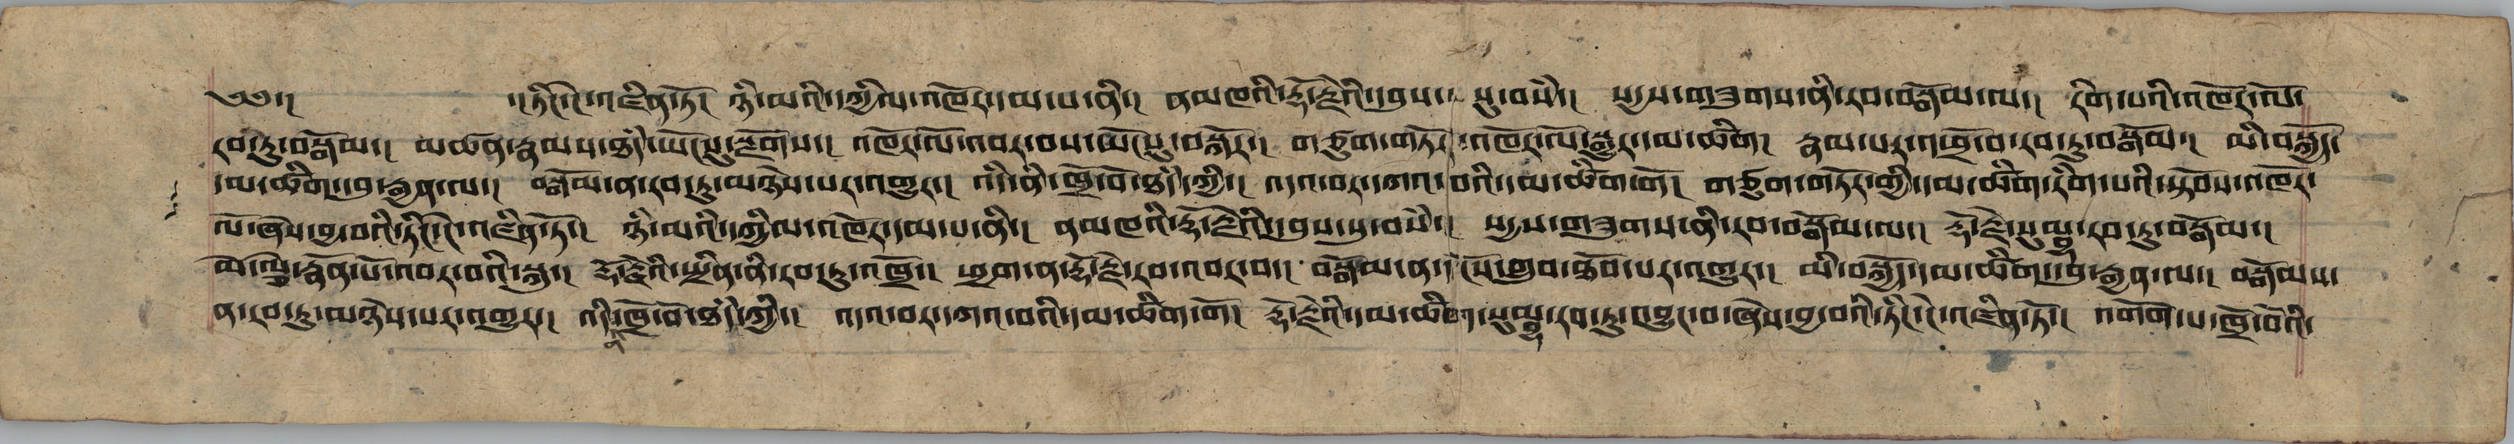༄༅་། ་།ཏིང་ངེ་འཛིན་ཏོ་། ཉི་མའི་དཀྱིལ་འཁོར་དམ་པ་ནི་། ནམཁའི་རྡོ་རྗེའི་དབུས་སུ་བསཾ་། སདྱས་གཟུགས་ནི་རབ་བསྒོམ་ལ་། རིག་པའི་འཁོར་ལོ་
རབ་ཏུ་བསྒོམ་། མཚན་རྣམས་ཐཾད་ཡོངསུ་སྫོགས་། འཁོར་ལོ་འབར་བས་ཡོངསུ་བསྐོར་། གཙུག་གཏོར་འཁོར་ལོ་སྒྱུར་དམ་ཚིག། རྣམ་པར་འཕྲོ་བ་རབ་ཏུ་བསྒོམ་། མི་བསྐྱོད་
དམ་ཚིག་དབུ་རྒྱན་ལ་། བསྒོམ་ན་རབ་ཏུ་མཉེས་པར་འགྱུར་། འདི་ནི་ཁྲོ་བོ་ཐཾད་ཀྱི་། འདའ་བར་དཀའ་བའི་དམ་ཚིག་གོ། གཙུག་གཏོར་གྱི་དམ་ཚིག་རིག་པའི་སྟོབས་འཁོར་
ལོ་ཞེས་བྱ་བའི་ཏིང་ངེ་འཛིན་ཏོ་། ཉི་མའི་དཀྱིལ་འཁོར་དམ་པ་ནི་། ནམཁའི་རྡོ་རྗེའི་དབུས་སུ་བསཾ་། སདྱས་གཟུགས་ནི་རབ་བསྒོམ་ལ་། རྡོ་རྗེ་སུམྦྷ་རབ་ཏུ་བསྒོམ་།
མེ་ལྕེ་རྣོན་པོ་འབར་བའི་སྐུ་། རྡོ་རྗེའི་སྤྲིན་ནི་རབ་ཏུ་འཁྲོ་། ཕྱག་ན་རྡོ་རྗེ་རབ་འབར་བ་། བསྒོམ་ན་དངོས་གྲུབ་ཐོབ་པར་འགྱུར་། མི་བསྐྱོད་དམ་ཚིག་དབུ་རྒྱན་ལ་། བསྒོམས་
ན་རབ་ཏུ་མཉེས་པར་འགྱུར་། འདི་དང་ཁྲོ་བོ་ཐཾད་ཀྱི་། འདའ་བར་དཀའ་བའི་དམ་ཚིག་གོ། རྡོ་རྗེའི་དམ་ཚིག་སུམྦྷ་རབ་ཏུ་འབྱུང་བ་ཞེས་བྱ་བའི་ཏིང་ངེ་འཛིན་ཏོ་། འགོག་པ་ཁྲོ་བོའི་